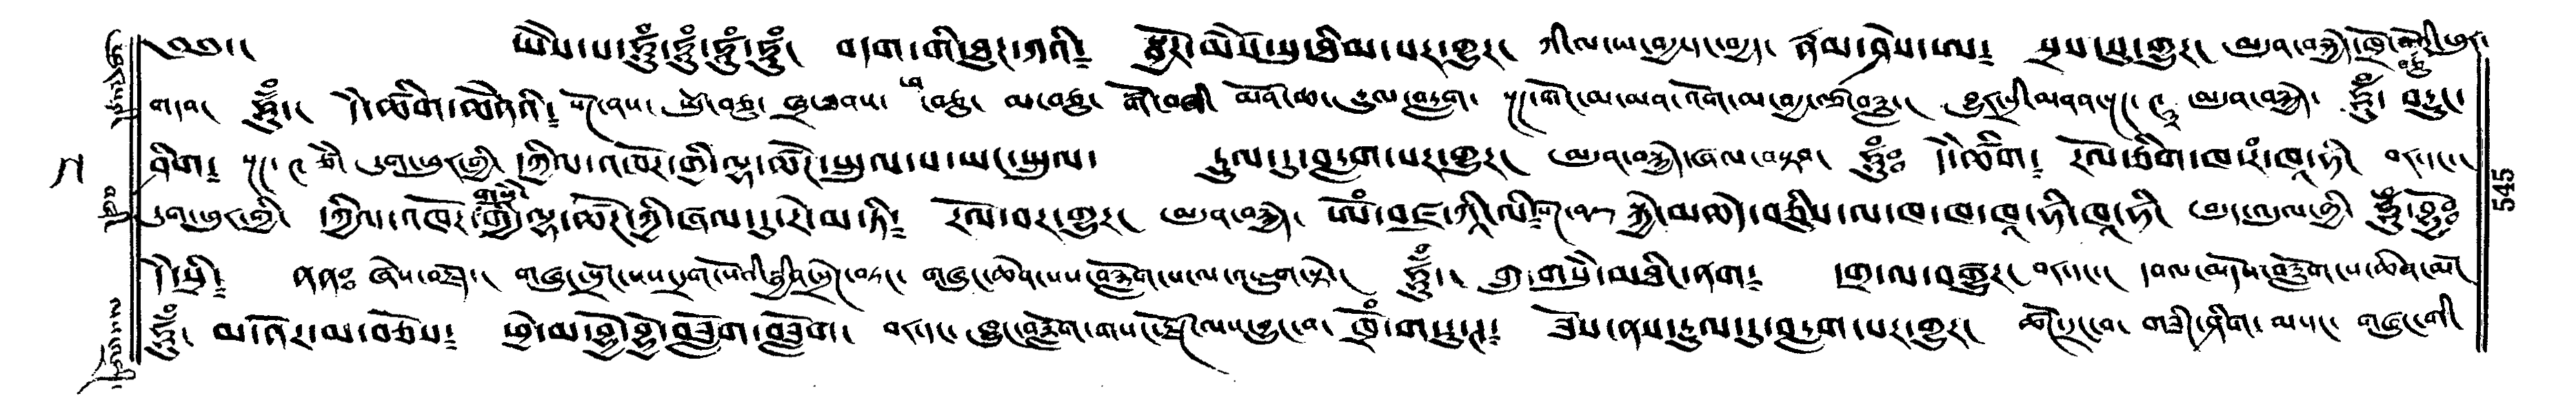ཡེ་ཤེས་པ་ཧཱུྃ་ཧཱུྃ་ཧཱུྃ། བདག་གི་ཐུགས་ཀའི༴ སྦྱོར་མཚམས་སུ་ཐིམ་པར་གྱུར། ཀི་ལ་ཡ་བརྒྱ་དང་བརྒྱད། རྣམ་ཤེས་ཨ༴ སྲས་སུ་གྱུར། མདུན་བསྐྱེད་ཁྲོ་བཅུའི་ཕུར་
གདབ། ཧཱུྃ༔ དམ་ཚིག་ཆེན་པོའི༴ སོགས་ནས། ཡབ་ཡུམ་བཅུ། ཁྲ་ཐབས། ཕ་བཅུ། མ་བཅུ། སྒོ་བཞི། མཚོན་ཆ། རྡུལ་བརླག སྔགས་གོང་མ་མན་འོག་མ་བརྒྱ་རྩ་བཟླ། བྱུར་སྲི་མནན་སྔགས། དགུ་གསུམ། མདུན་བསྐྱེད། ཧཱུྃ༔ རྡུངས་
ཤིག༴ སྔགས། དགུ་ཙམ། དུག་ཕུར་གྱི། དཀྱིལ་འཁོར་གྱི་ལྷ་ཚོགས་སྤྲུལ་པ་ཡང་སྤྲུལ༴ རྡུལ་དུ་བརླག་པར་གྱུར༔ མདུན་བསྐྱེད་ཞལ་བསྟབ། ཧཱུྃ༔ དམ་ཚིག༴ རོལ་ཅིག་ཁ་རཾ་ཁཱ་ཧི༔ བར་དང་། 
དུག་ཕུར་གྱི། དཀྱིལ་འཁོར་གསུམ་གྱི་ལྷ་ཚོགས་ཀྱི་ཞལ་དུ་རེ་མ་ཏི༴ རོལ་བར་གྱུར། མདུན་བསྐྱེད། ཨོཾ་བཛྲ་ཀཱི་ལི༴ སོགས་ནས། སྐྱེ་མཆེད་བཅུ་གཉིས་ལ་ཁ་ཁ་ཁཱ་ཧི་ཁཱ་ཧི༔ བདུད་འདུལ་གྱི། ཧཱུྃ་བྷྱོཿ 
དམ་སྲི༴ ནན༔ ཞེས་བརྗོད། གཞུང་སྲོང་པས་དྲག་པོའི་སྦྱིན་སྲེག་གཏང་། གཞུང་ཆེན་པས་བཟློག་པ་ལ་འཇུག་སྟེ། ཧཱུྃ༔ གྲུ་གསུམ་མཐིང་ནག༴ དགྲ་ལ་སྒྱུར༔ བར་དང་། དབལ་མདོས་བཟློག་པ་ཆེན་མོ། 
ཧཱུྃ༔ མ་ནོར་མ་བཅོས༴ ཕྱེ་མ་བྷྱོ་བྷྱོ་བཟློག་བཟློག༔ བར་དང་། ཁྱུང་བཟློག་གསང་རྫོགས་ལས་བྱུང་བ། ཁྲོ་མ་ག་རུ་ཊ༴ ཟོས་ནས་རྡུལ་དུ་བརླག་པར་གྱུར༔ ཚོགས་དྲང་བ། གཟིགས་ཤིག་མ་དང་།གཞུང་གི་